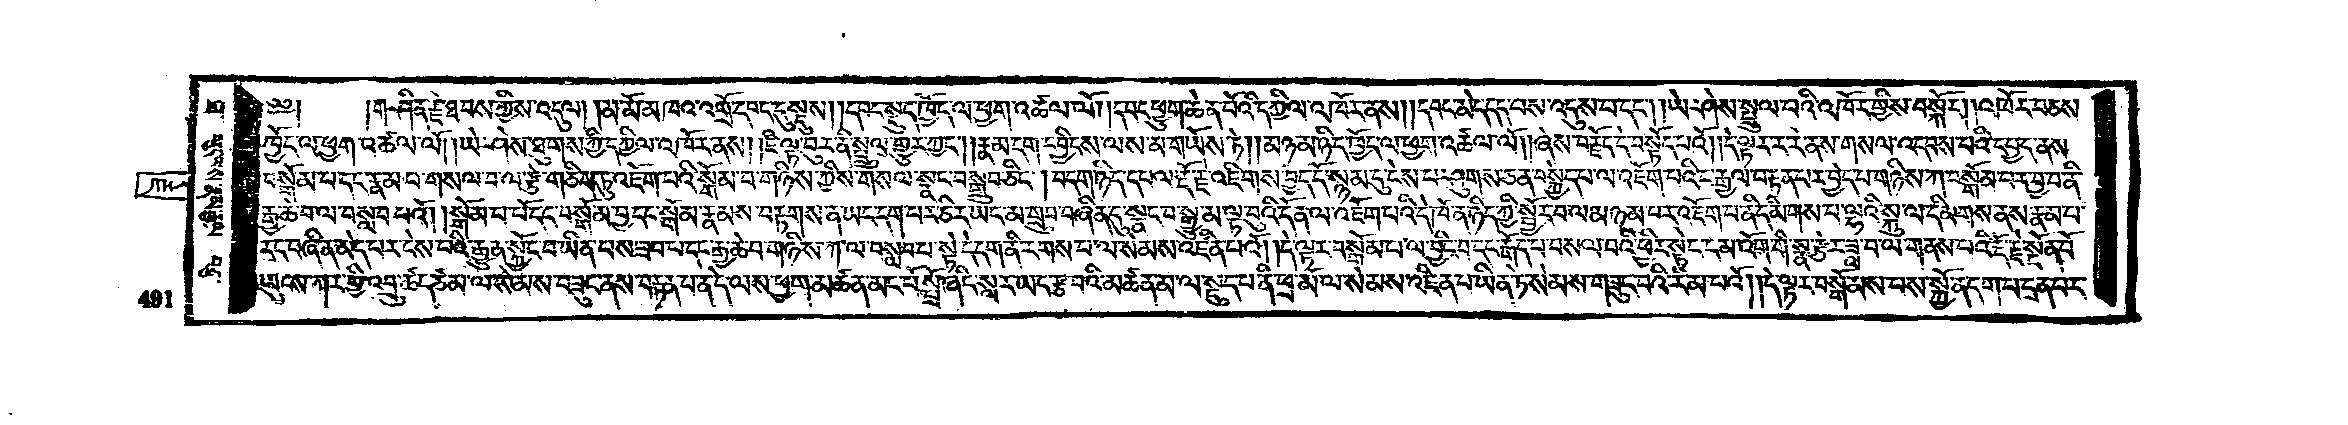༄༅། །གཤིན་རྗེ་ཐབས་ཀྱིས་འདུལ། །མ་མོ་མཁའ་འགྲོ་དབང་དུ་སྡུས། །དབང་སྡུད་ཁྱོད་ལ་ཕྱག་འཚལ་ལོ། །དབང་ཕྱུག་ཆེན་པོའི་དཀྱིལ་འཁོར་ནས། །དབང་མེད་དད་པས་འདུས་པ་དང་། །ཡེ་ཤེས་སྤྲུལ་བའི་འཁོར་གྱིས་བསྐོར། །འཁོར་བཅས་
ཁྱོད་ལ་ཕྱག་འཚལ་ལོ། །ཡེ་ཤེས་ཐུགས་ཀྱི་དཀྱིལ་འཁོར་ནས། །ཇི་ལྟ་བུར་ནི་སྤྲུལ་གྱུར་ཀྱང་། །རྣམ་དག་དབྱིངས་ལས་མ་གཡོས་ཏེ། །མཉམ་ཉིད་ཁྱོད་ལ་ཕྱག་འཚལ་ལོ། །ཞེས་བརྗོད་དེ་བསྟོད་པའོ། །དེ་ལྟར་རེ་རེ་ནས་གསལ་འདབས་པའི་དཔྱད་ནས་
བསྒོམ་པ་དང་རྣམ་པ་གསལ་བ་ལ་རྩེ་གཅིག་ཏུ་འཇོག་པའི་སྒོམ་པ་གཉིས་ཀྱིས་གསལ་སྣང་བསྒྲུབ་ཅིང་། བདག་ཉིད་དཔལ་རྡོ་རྗེ་འཇིགས་བྱེད་དོ་སྙམ་དུ་ངེས་པ་ཤུགས་ཅན་བསྐྱེད་པ་ལ་འཇོག་པའི་ང་རྒྱལ་བརྟན་པར་བྱེད་པ་གཉིས་ཀ་བསྒོམ་པར་བྱ་བ་ནི་
རྒྱ་ཆེ་བ་ལ་བསླབ་པའོ། །སྒོམ་པ་པོ་དང་བསྒོམ་བྱ་དང་སྒོམ་རྣམས་བརྟགས་ན་ཡང་དག་པར་ཅིར་ཡང་མ་གྲུབ་བཞིན་དུ་སྣང་བ་སྒྱུ་མ་ལྟ་བུའི་དོན་ལ་འཇོག་པའི་དེ་ཁོ་ན་ཉིད་ཀྱི་སྦྱོར་བ་ལ་མཉམ་པར་འཇོག་པ་ནི་དམིགས་པ་ལྷའི་སྐུ་ལ་དམིགས་ནས་རྣམ་པ་
རང་བཞིན་མེད་པར་ངེས་པའི་རྒྱུན་སྐྱོང་བ་ཡིན་པས་ཟབ་པ་དང་རྒྱ་ཆེ་བ་གཉིས་ཀ་ལ་བསླབ་པ་སྟེ་དེ་དག་ནི་རགས་པ་ལ་སེམས་འཛིན་པའོ། །དེ་ལྟར་བསྒོམ་པ་ལ་བྱིང་བ་དང་རྒོད་པ་གསལ་བའི་ཕྱིར་སྟེང་དམ་འོག་གི་སྣ་རྩེར་ཟླ་བ་ལ་གནས་པའི་རྡོ་རྗེ་སྔོན་པོ་
ཡུངས་ཀར་གྱི་འབྲུ་ཚད་ཙམ་ལ་སེམས་བཟུང་ནས་བརྟན་པ་ན་དེ་ལས་ཕྱག་མཚན་མང་པོ་སྤྲོ་ཞིང་སླར་ཡང་རྩ་བའི་མཚན་མ་ལ་སྡུད་པ་ནི་ཕྲ་མོ་ལ་སེམས་འཛིན་པ་ཡིན་ཏེ་སེམས་གཟུང་བའི་རིམ་པའོ། །དེ་ལྟར་བསྒོམས་པས་སྐྱོན་དག་པ་དྲན་པར་